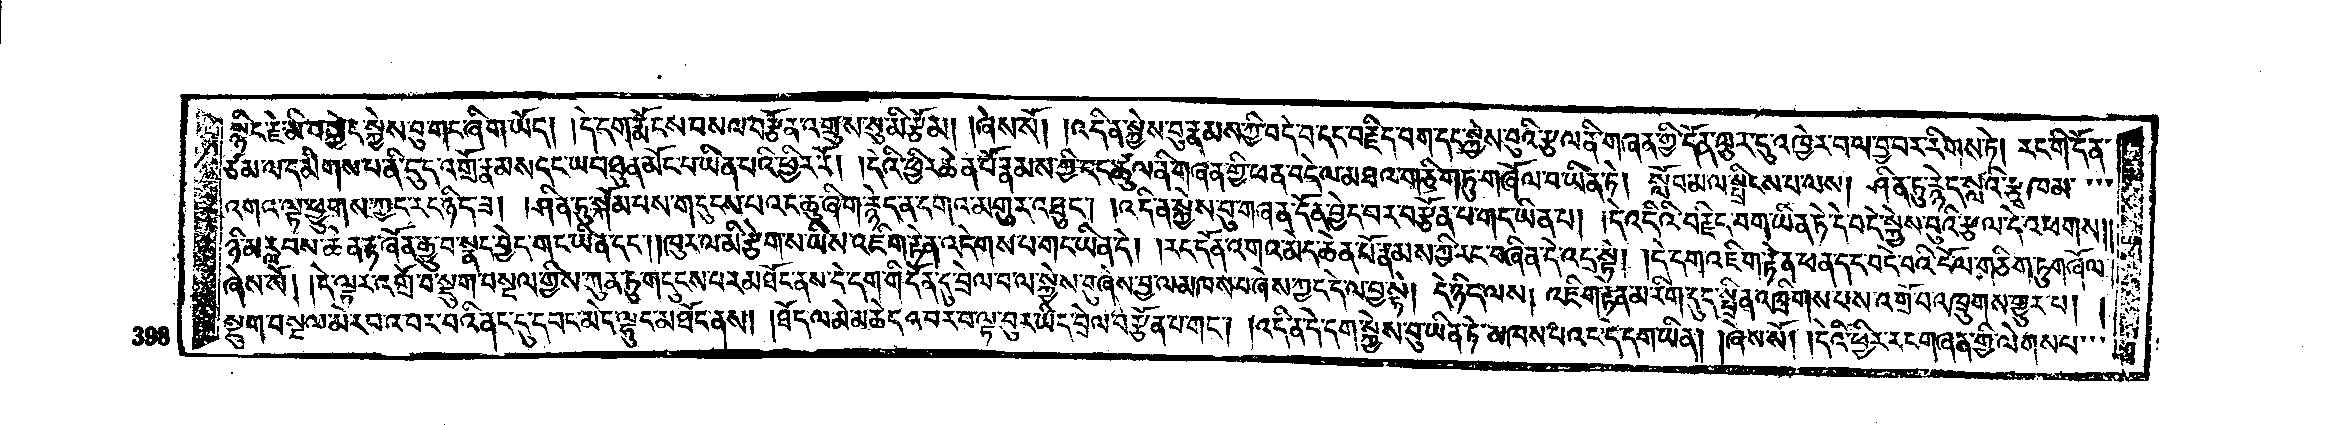སྙིང་རྗེ་མི་བསྐྱེད་སྐྱེས་བུ་གང་ཞིག་ཡོད། །དེ་དག་རྨོངས་བསལ་བརྩོན་འགྲུས་སུ་མི་རྩོམ། །ཞེས་སོ། །འདི་ན་སྐྱེས་བུ་རྣམས་ཀྱི་བདེ་བ་དང་བརྗིད་བག་དང་སྐྱེས་བུའི་རྩལ་ནི་གཞན་གྱི་དོན་ཁུར་དུ་འཁྱེར་བ་ལ་བྱ་བར་རིགས་ཏེ། རང་གི་དོན་
ཙམ་ལ་དམིགས་པ་ནི་དུད་འགྲོ་རྣམས་དང་ཡང་ཐུན་མོང་བ་ཡིན་པའི་ཕྱིར་རོ། །དེའི་ཕྱིར་ཆེན་པོ་རྣམས་ཀྱི་ངང་ཚུལ་ནི་གཞན་གྱི་ཕན་བདེ་ལ་མཐའ་གཅིག་ཏུ་གཞོལ་བ་ཡིན་ཏེ། སློབ་མ་ལ་སྤྲིངས་པ་ལས། ཤིན་ཏུ་རྙེད་སླའི་རྩྭ་ཁམ་
འགའ་ལྟ་ཕྱུགས་ཀྱང་རང་ཉིད་ཟ། །ཤིན་ཏུ་སྐོམ་པས་གདུངས་པའང་ཆུ་ཞིག་རྙེད་ན་དགའ་མགུར་འཐུང་། །འདི་ན་སྐྱེས་བུ་གཞན་དོན་བྱེད་པར་བརྩོན་པ་གང་ཡིན་པ། །དེ་འདིའི་བརྗིད་བག་ཡིན་ཏེ་དེ་བདེ་སྐྱེས་བུའི་རྩལ་དེ་འཕགས། །
ཉི་མ་རླབས་ཆེན་རྟ་ཞོན་རྒྱུ་བ་སྣང་བྱེད་གང་ཡིན་དང་། །ཁུར་ལ་མི་རྩེགས་ཡིས་འཇིག་རྟེན་འདེགས་པ་གང་ཡིན་དེ། །རང་དོན་འགའ་མེད་ཆེན་པོ་རྣམས་ཀྱི་རང་བཞིན་དེ་འདྲ་སྟེ། །དེ་དག་འཇིག་རྟེན་ཕན་དང་བདེ་བའི་རོ་ལ་གཅིག་ཏུ་གཞོལ། །
ཞེས་སོ། །དེ་ལྟར་འགྲོ་བ་སྡུག་བསྔལ་གྱིས་ཀུན་ཏུ་གདུངས་པར་མཐོང་ནས་དེ་དག་གི་དོན་དུ་བྲེལ་བ་ལ་སྐྱེས་བུ་ཞེས་བྱ་ལ་མཁས་པ་ཞེས་ཀྱང་དེ་ལ་བྱ་སྟེ། དེ་ཉིད་ལས། འཇིག་རྟེན་མ་རིག་དུད་སྤྲིན་འཁྲིགས་པས་འགྲོ་བ་འཁྲུགས་གྱུར་པ། །
སྡུག་བསྔལ་མེ་རབ་འབར་བའི་ནང་དུ་དབང་མེད་ལྷུང་མཐོང་ནས། །ཐོད་ལ་མེ་མཆེད་འབར་བ་ལྟ་བུར་ཡིད་བྲེལ་བརྩོན་པ་གང་། །འདི་ན་དེ་དག་སྐྱེས་བུ་ཡིན་ཏེ་མཁས་པའང་དེ་དག་ཡིན། །ཞེས་སོ། །དེའི་ཕྱིར་རང་གཞན་གྱི་ལེགས་པ་